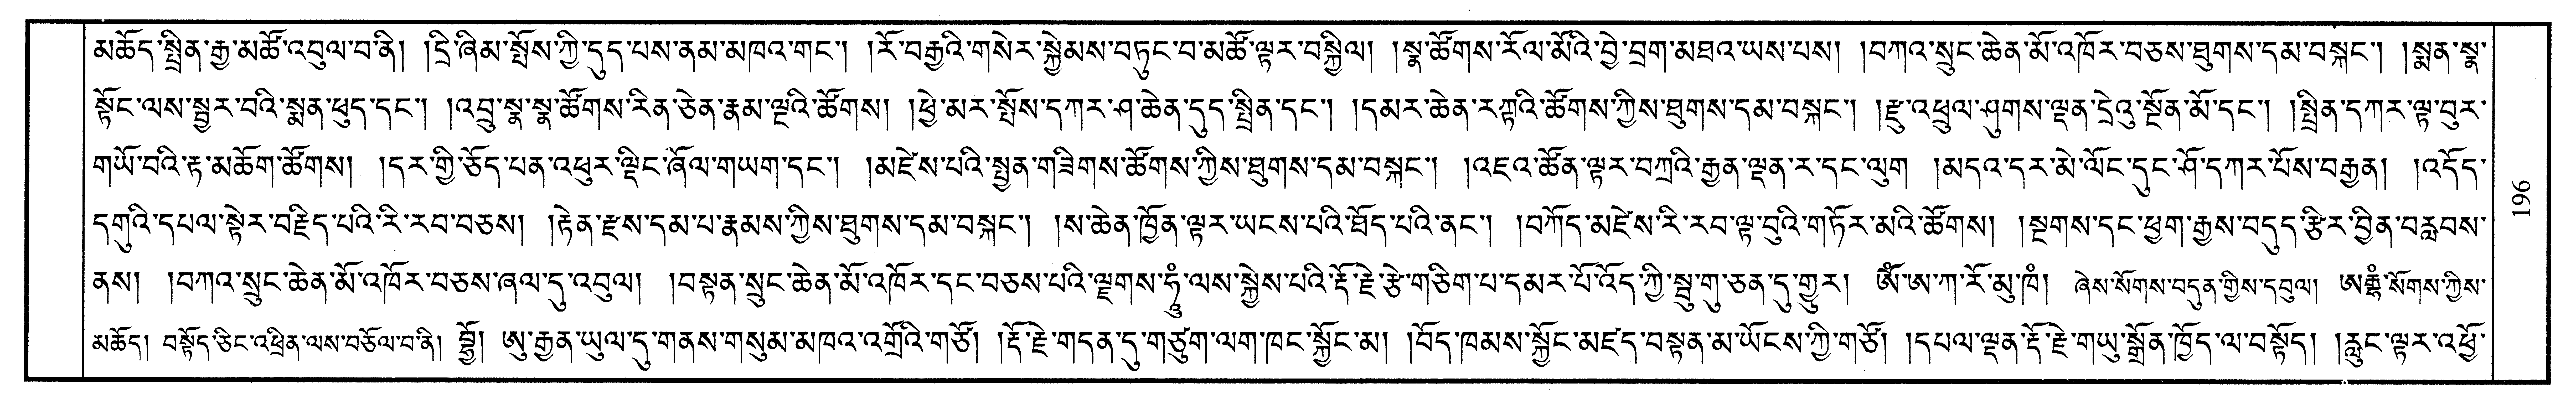མཆོད་སྤྲིན་རྒྱ་མཚོ་འབུལ་བ་ནི། །དྲི་ཞིམ་སྤོས་ཀྱི་དུད་པས་ནམ་མཁའ་གང་། །རོ་བརྒྱའི་གསེར་སྐྱེམས་བཏུང་བ་མཚོ་ལྟར་བསྐྱིལ། །སྣ་ཚོགས་རོལ་མོའི་བྱེ་བྲག་མཐའ་ཡས་པས། །བཀའ་སྲུང་ཆེན་མོ་འཁོར་བཅས་ཐུགས་དམ་བསྐང་། །སྨན་སྣ་
སྟོང་ལས་སྦྱར་བའི་སྨན་ཕུད་དང་། །འབྲུ་སྣ་སྣ་ཚོགས་རིན་ཅེན་རྣམ་ལྔའི་ཚོགས། །ཕྱེ་མར་སྤོས་དཀར་ཤ་ཆེན་དུད་སྤྲིན་དང་། །དམར་ཆེན་རཀྟའི་ཚོགས་ཀྱིས་ཐུགས་དམ་བསྐང་། །རྫུ་ཐོད་པའི་ནང་། །བཀོད་མཛེས་རི་རབ་ལྟ་བུའི་གཏོར་མའི་ཚོགས།
གཡོ་བའི་རྟ་མཆོག་ཚོགས། །དར་གྱི་ཅོད་པན་འཕུར་ལྡིང་ཞོལ་གཡག་དང་། །མཛེས་པའི་སྤྱན་གཟིགས་ཚོགས་ཀྱིས་ཐུགས་དམ་བསྐང་། །འཇའ་ཚོན་ལྟར་བཀྲའི་རྒྱན་ལྡན་ར་དང་ལུག །མདའ་དར་མེ་ལོང་དུང་ཤོ་དཀར་པོས་བརྒྱན། །འདོད་
དགུའི་དཔལ་སྟེར་བརྗིད་པའི་རི་རབ་བཅས། །རྟེན་རྫས་དམ་པ་རྣམས་ཀྱིས་ཐུགས་དམ་བསྐང་། །ས་ཆེན་ཁྱོན་ལྟར་ཡངས་པའི་ཐོད་པའི་ནང་། །བཀོད་མཛེས་རི་རབ་ལྟ་བུའི་གཏོར་མའི་ཚོགས། །སྔགས་དང་ཕྱག་རྒྱས་བདུད་རྩིར་བྱིན་བརླབས་
ནས། །བཀའ་སྲུང་ཆེན་མོ་འཁོར་བཅས་ཞལ་དུ་འབུལ། །བསྟན་སྲུང་ཆེན་མོ་འཁོར་དང་བཅས་པའི་ལྗགས་ཧཱུཾ་ལས་སྐྱེས་པའི་རྡོ་རྗེ་རྩེ་གཅིག་པ་དམར་པོ་འོད་ཀྱི་སྦུ་གུ་ཅན་དུ་གྱུར། ཨོཾ་ཨ་ཀ་རོ་མུ་ཁཾ། ཞེས་སོགས་བདུན་གྱིས་དབུལ། ཨརྒྷཾ་སོགས་ཀྱིས་
མཆོད། བསྟོད་ཅིང་འཕྲིན་ལས་བཅོལ་བ་ནི། བྷྱོ། ཨུ་རྒྱན་ཡུལ་དུ་གནས་གསུམ་མཁའ་འགྲོའི་གཙོ། །རྡོ་རྗེ་གདན་དུ་གཙུག་ལག་ཁང་སྐྱོང་མ། །བོད་ཁམས་སྐྱོང་མཛད་བསྟན་མ་ཡོངས་ཀྱི་གཙོ། །དཔལ་ལྡན་རྡོ་རྗེ་གཡུ་སྒྲོན་ཁྱོད་ལ་བསྟོད། །རླུང་ལྟར་འཕྱོ་